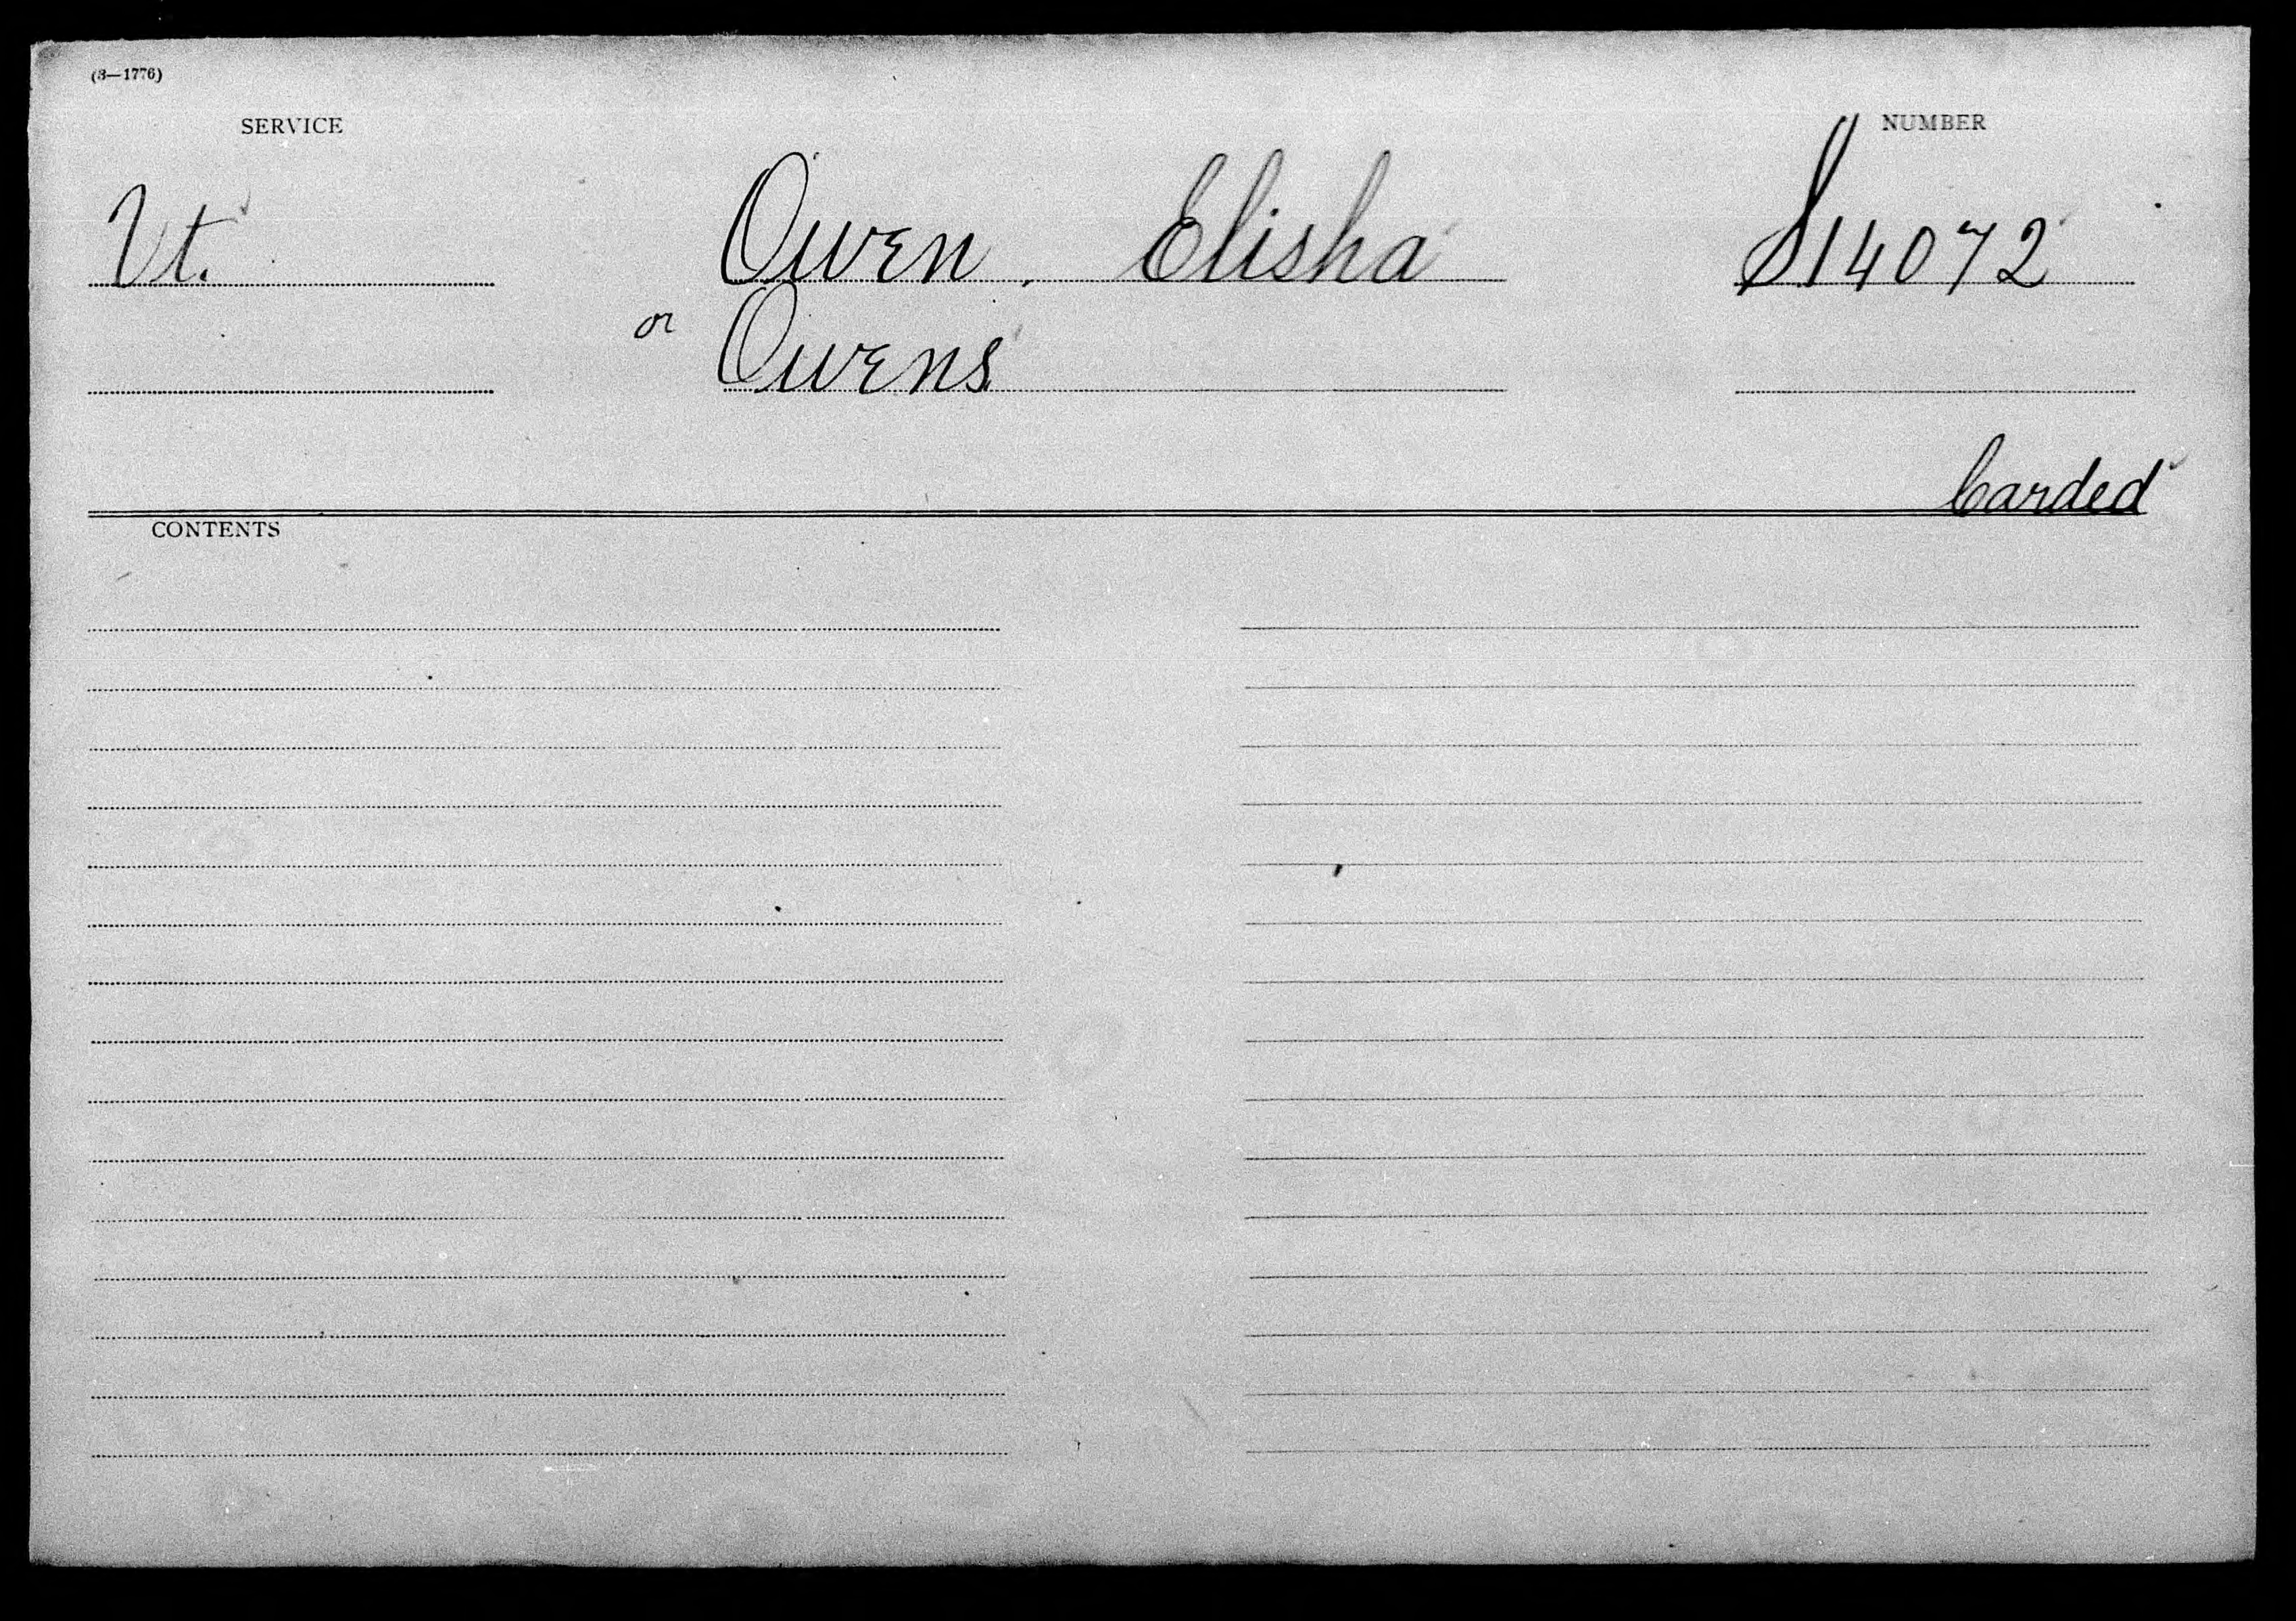Vt  
Owen, Elisha or Owens
S14072
carded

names: Elisha Owens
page: 1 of 23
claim: survivor's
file: S 14072, for Elisha Owen, Vermont